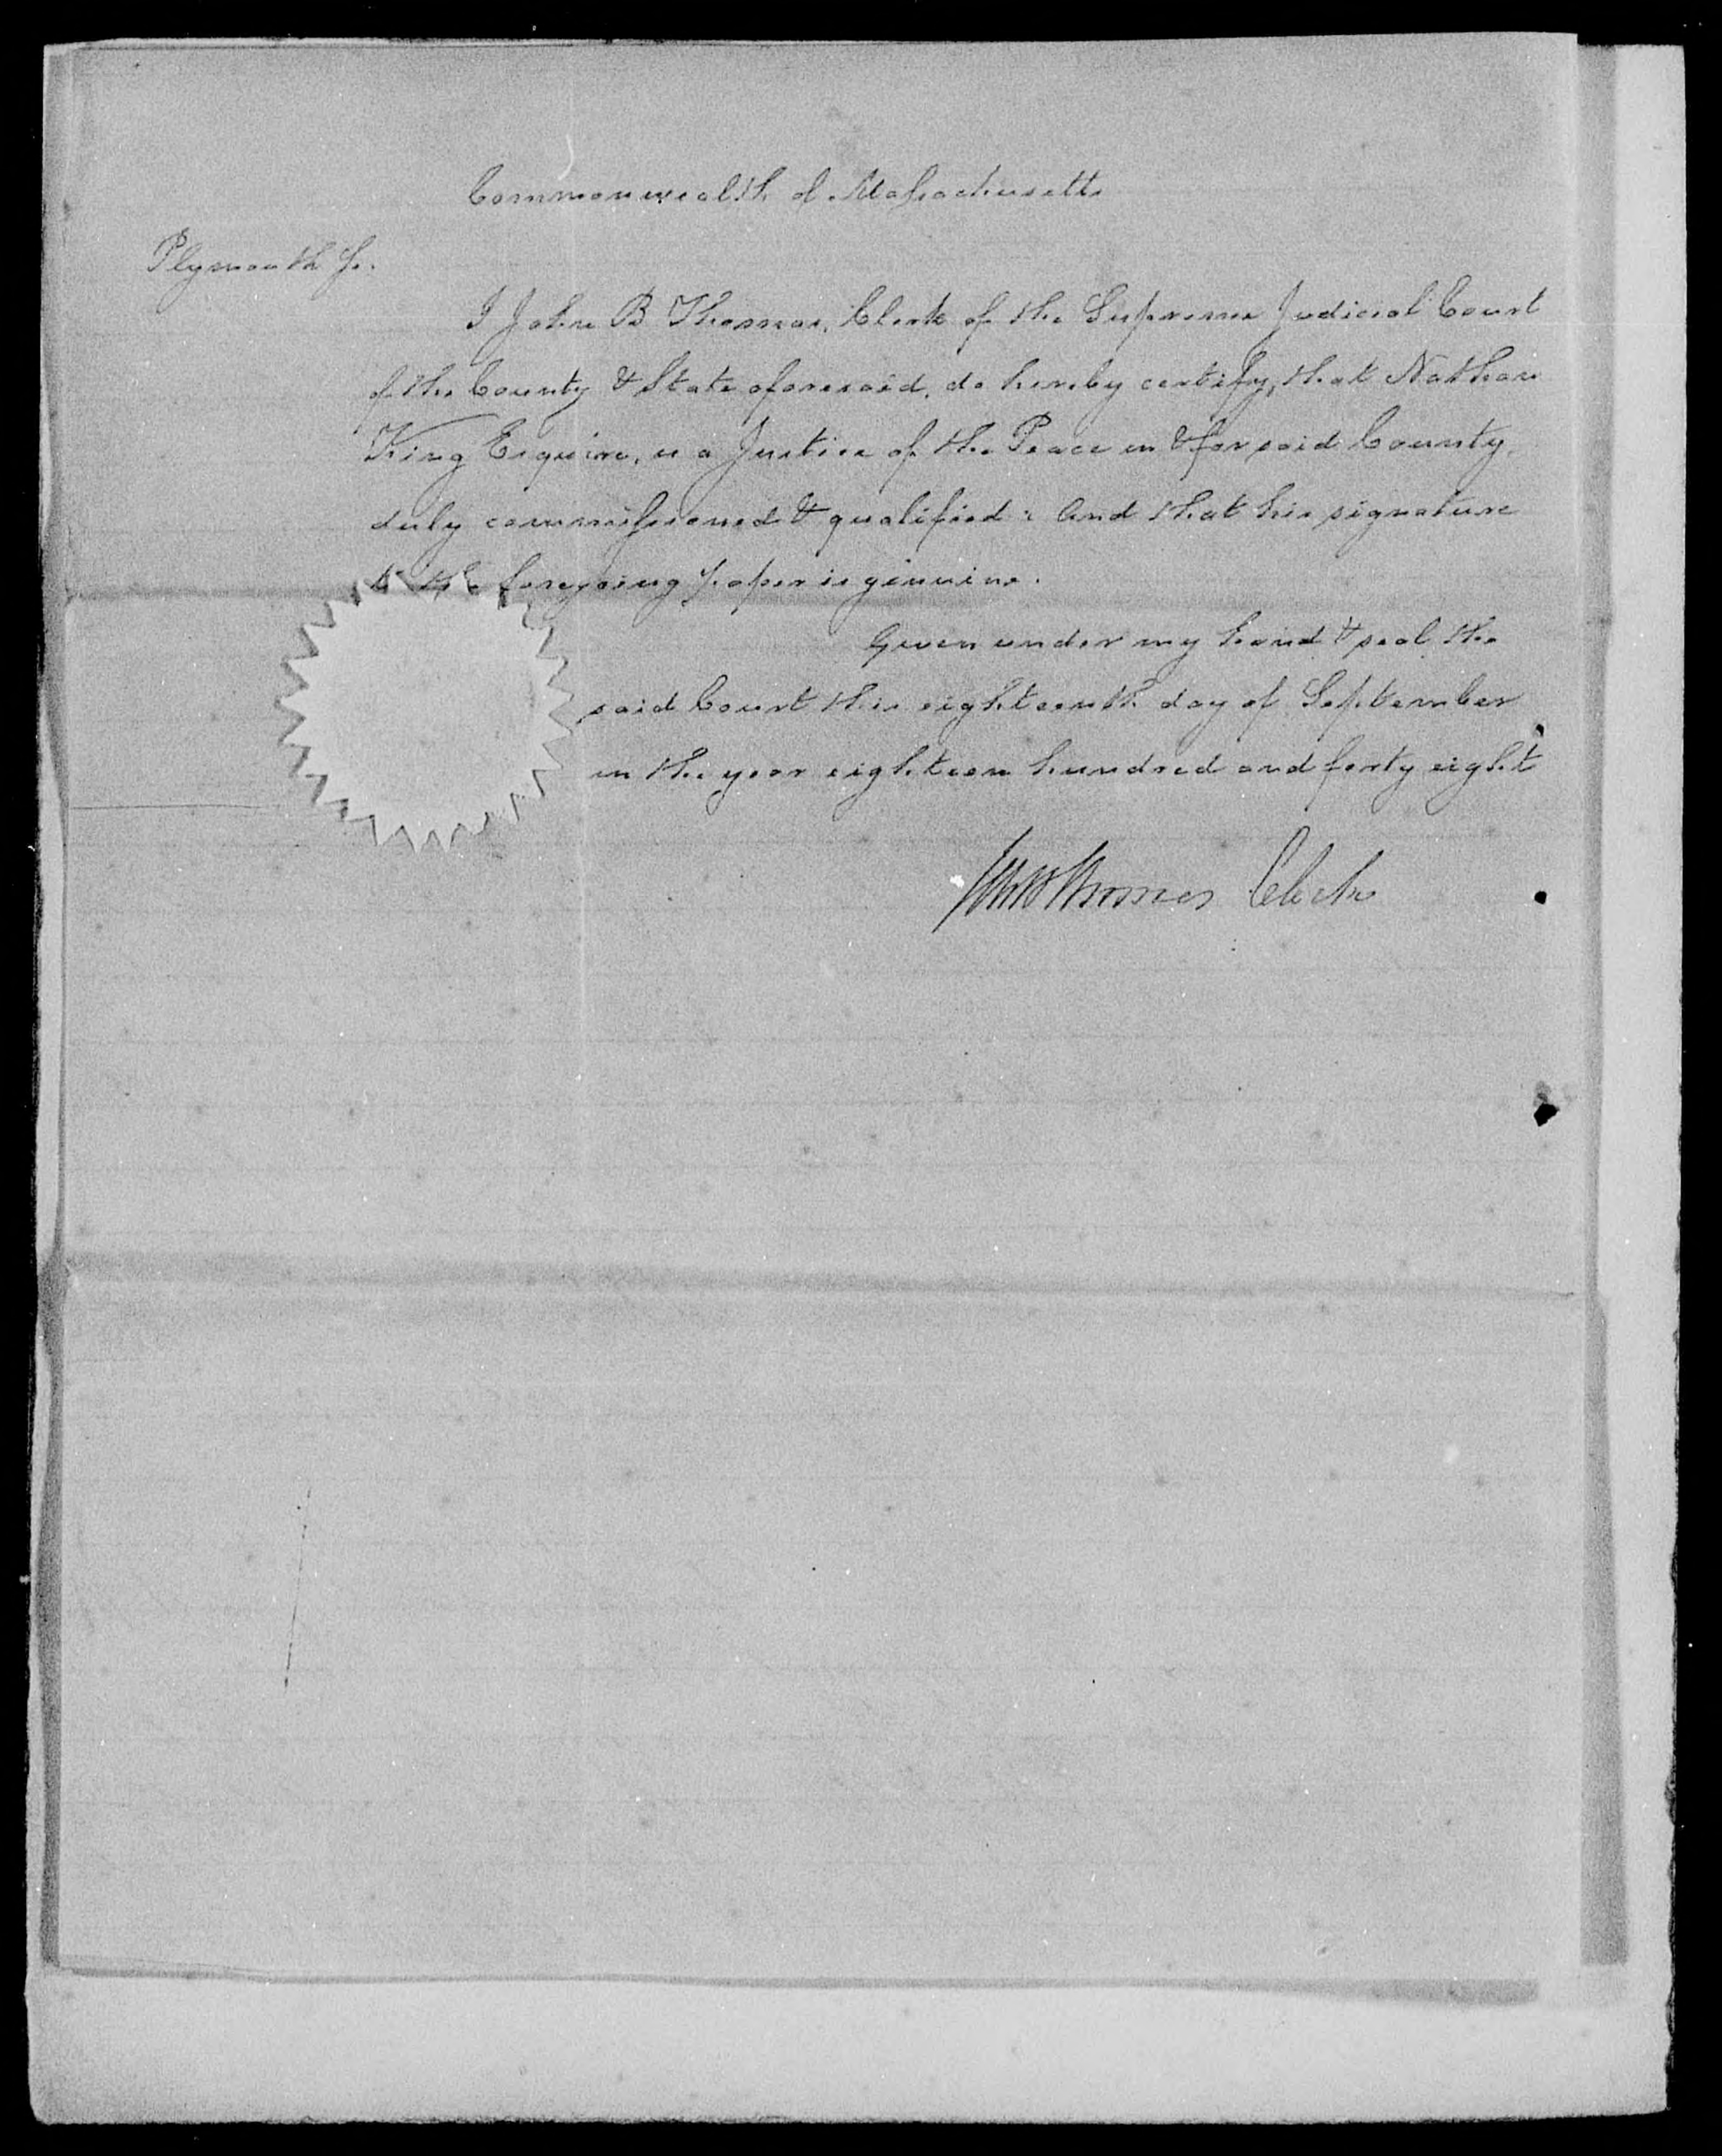Commonwealth of Massachusetts
Plymouth ss. 

I John B Thomas Clerk of the Supreme Judicial Court of the County & State aforesaid, do hereby certify that Nathan King Esquire. a Justice of the Peace in & for said County duly commissioned & qualified and that his signature [illegible] given (?)

Given under my hand & seal the said Court this eighteenth day of September in the year eighteen hundred and forty eight
Signature of John B Thomas  Clerk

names: Nathan King, John B Thomas, Joh B Thomas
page: 16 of 36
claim: widow's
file: W. 8838, Elijah Gushee, Mass.